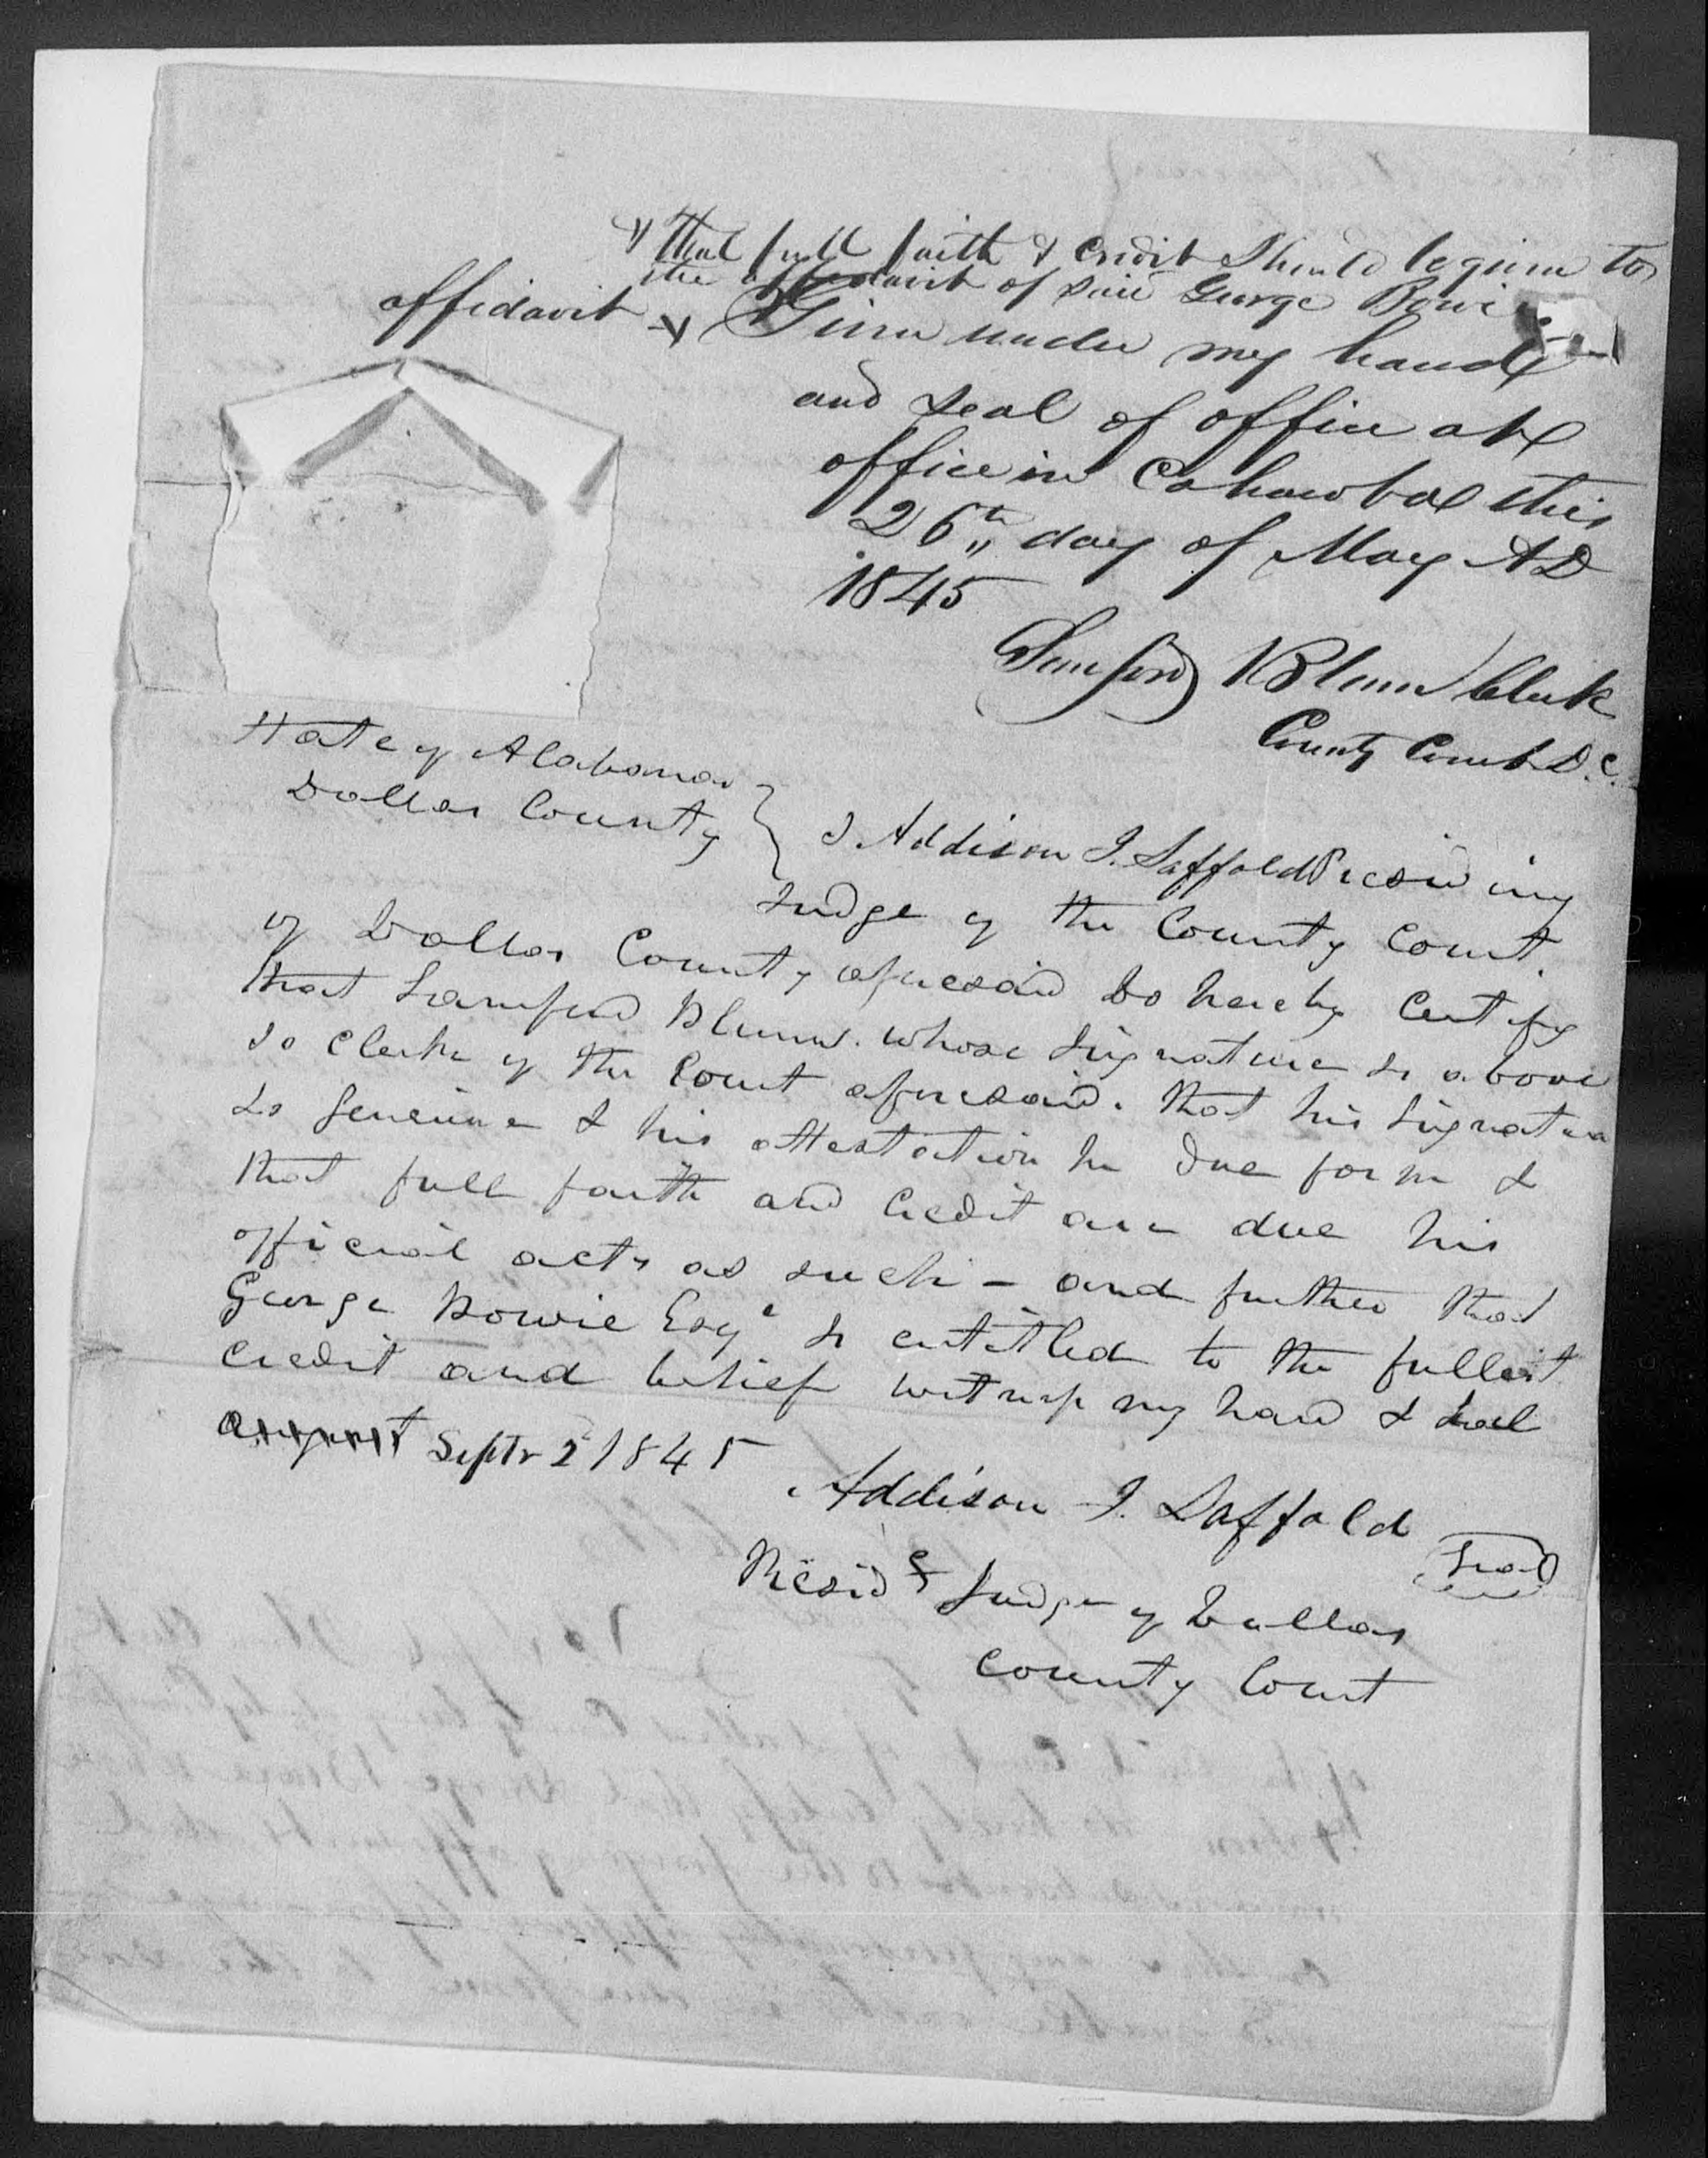that full faith & credit should be given to the affidavit of said George Bowie
Affidavit & Given under my hand and seal of office at office in Cahaba this 26th day of May AD 1845
Sanford Bland Clerk County Court D.C.

State of Alabama
Dallas County
I, Addison J. Saffold Presiding Judge of the County Court of Dallas, County aforesaid do hereby certify
that Sanford Bland whose Signature is above is Clerk of the Court aforesaid. that his signature is genuine & his attestation in due form & that full faith and credit are due his official acts as such - and further that George Bowie Esq is entitled to the fullest credit and belief witness my hand & seal Sept 2d 1841
Addison J. Saffold
Presiding Judge of Dallas
County Court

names: Addison J Saffold, Sanford Bland, George Bowie, Addison J Saffold, George Bowie, Sanford Bland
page: 70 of 91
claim: widow's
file: W. 10576, Francis Carlisle, S.C.